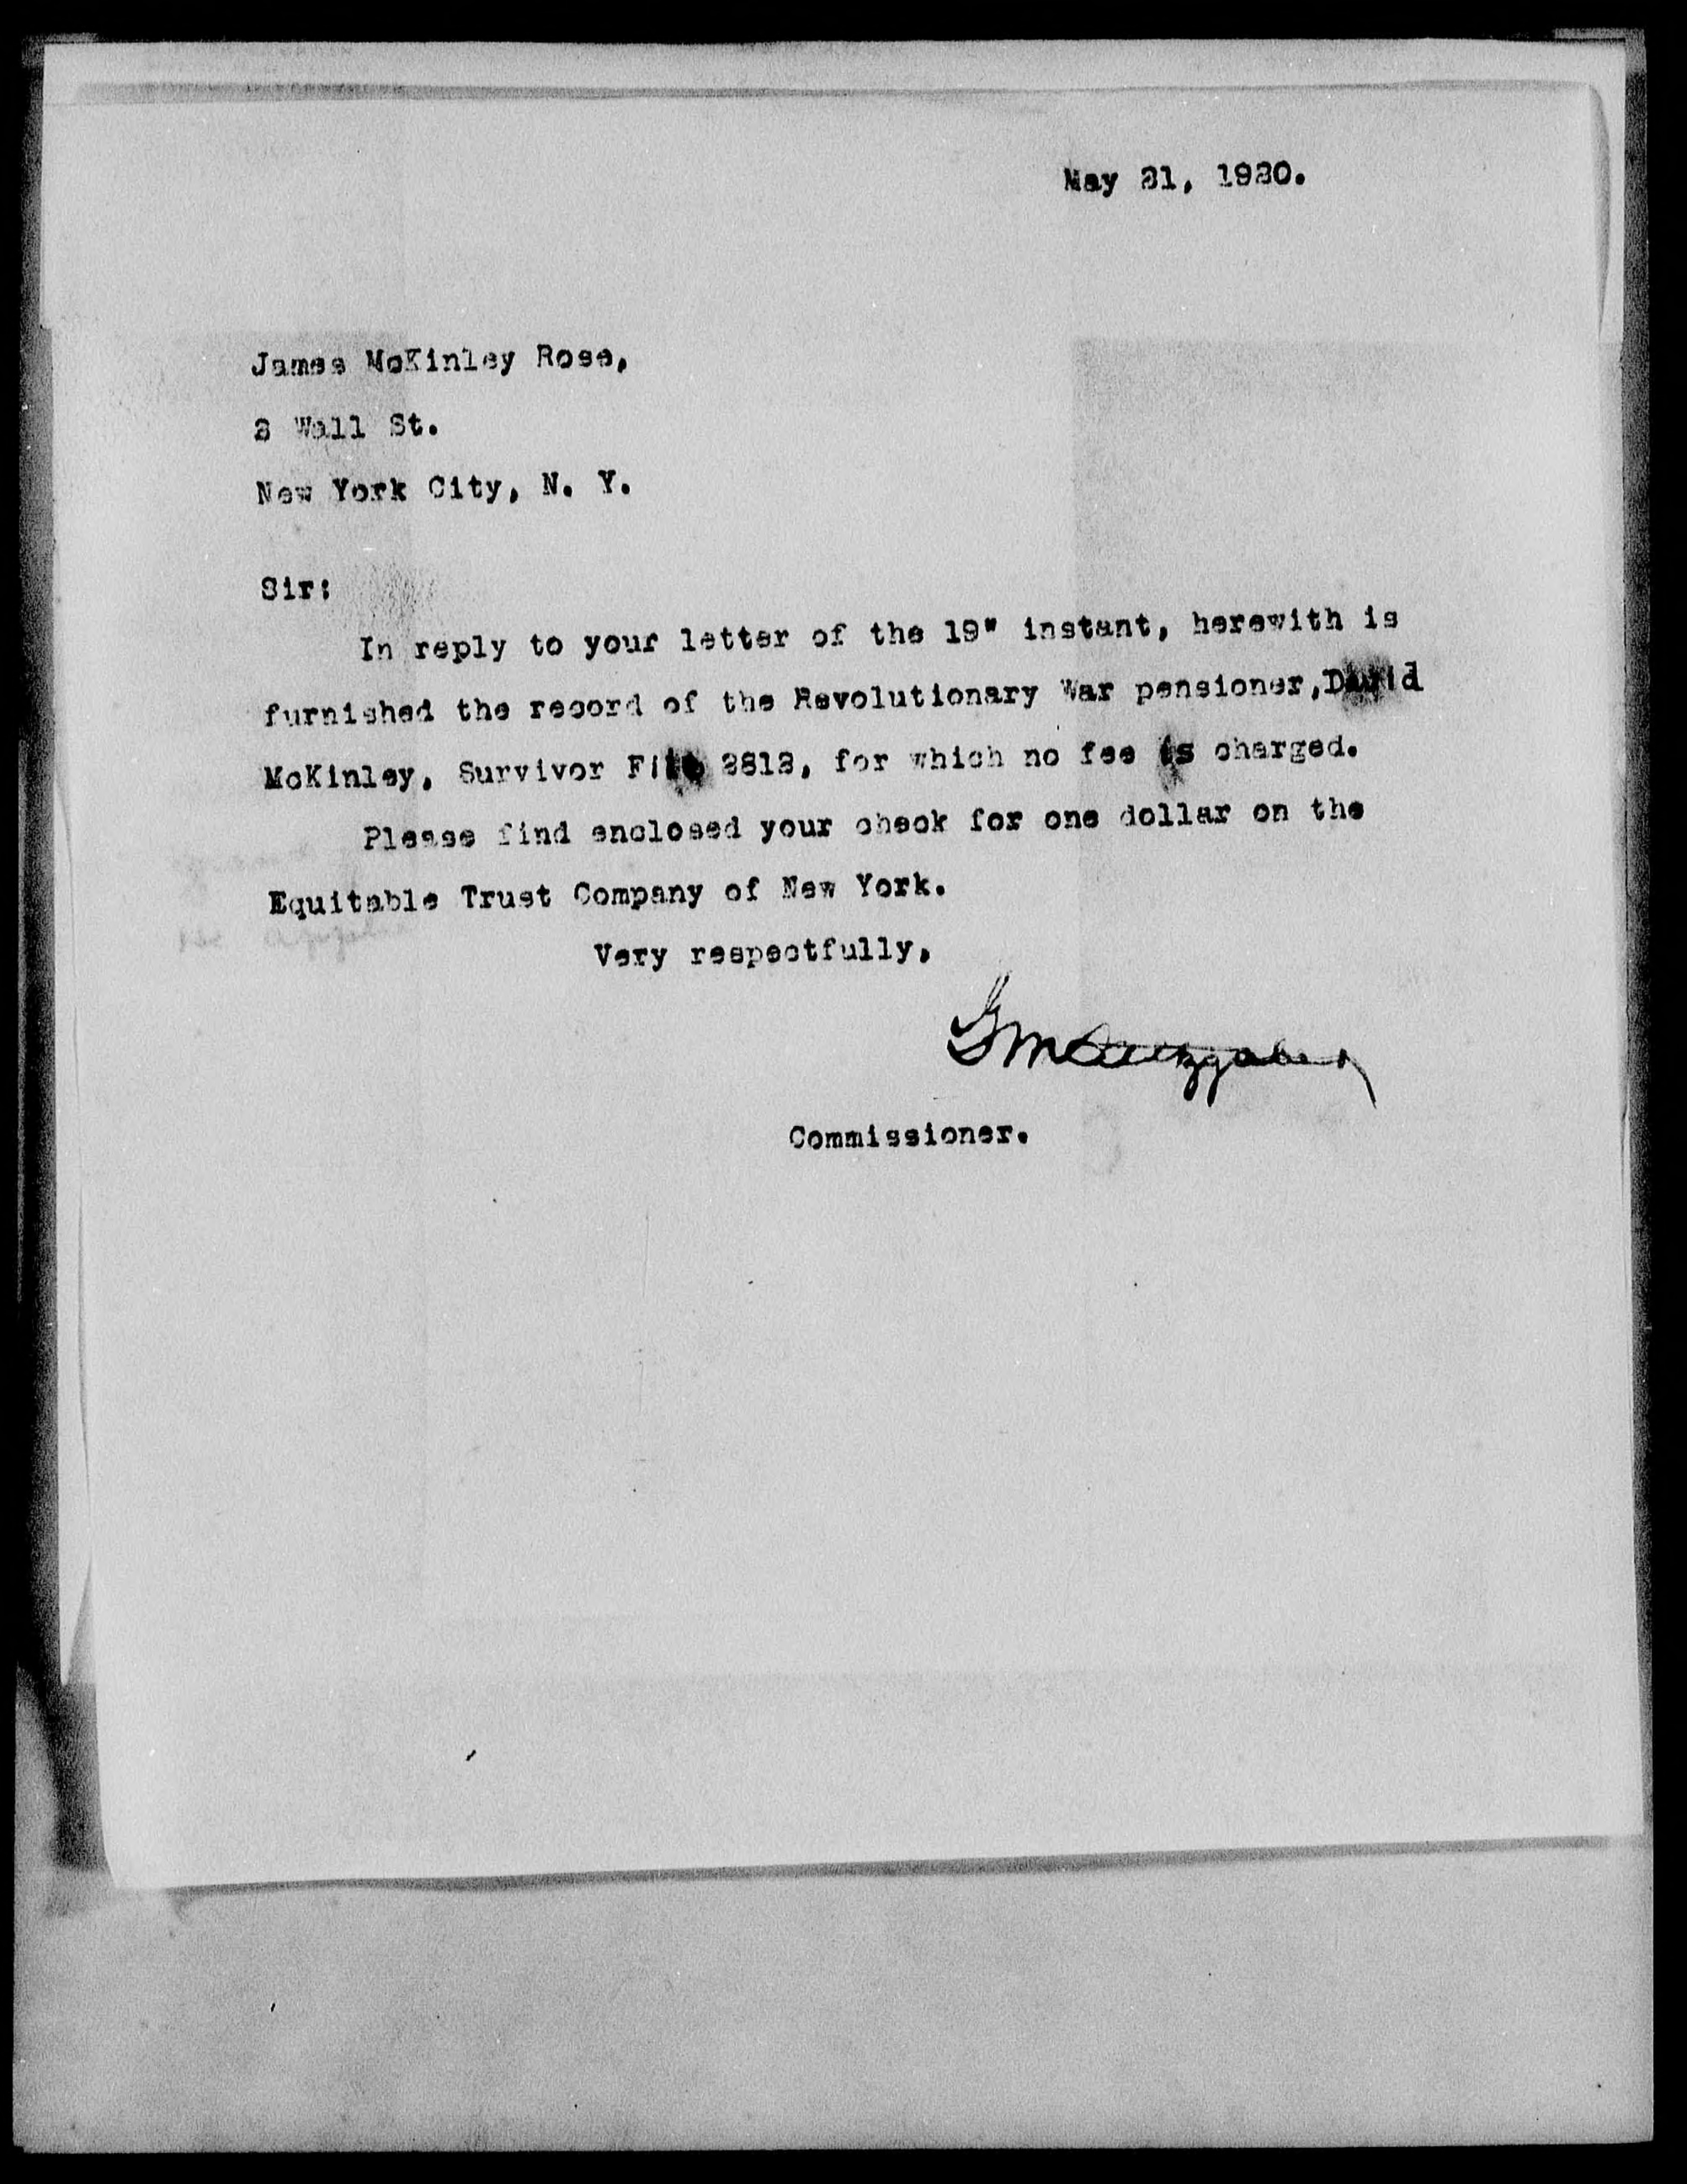May 21, 1920.

James McKinley Rose,
2 Wall St.
New York City, N. Y.

Sir:

In reply to your letter of the 19th instant, herewith is
furnished the record of the Revolutionary War pensioner, David
McKinley, Survivor File 2812, for which no fee is charged.
Please find enclosed your check for one dollar on the
Equitable Trust Company of New York.

Very respectfully,

[signature] GM[???]

Commissioner.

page: 25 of 39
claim: survivor's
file: S. 2812, for David Mc Kinley, Pennsylvania